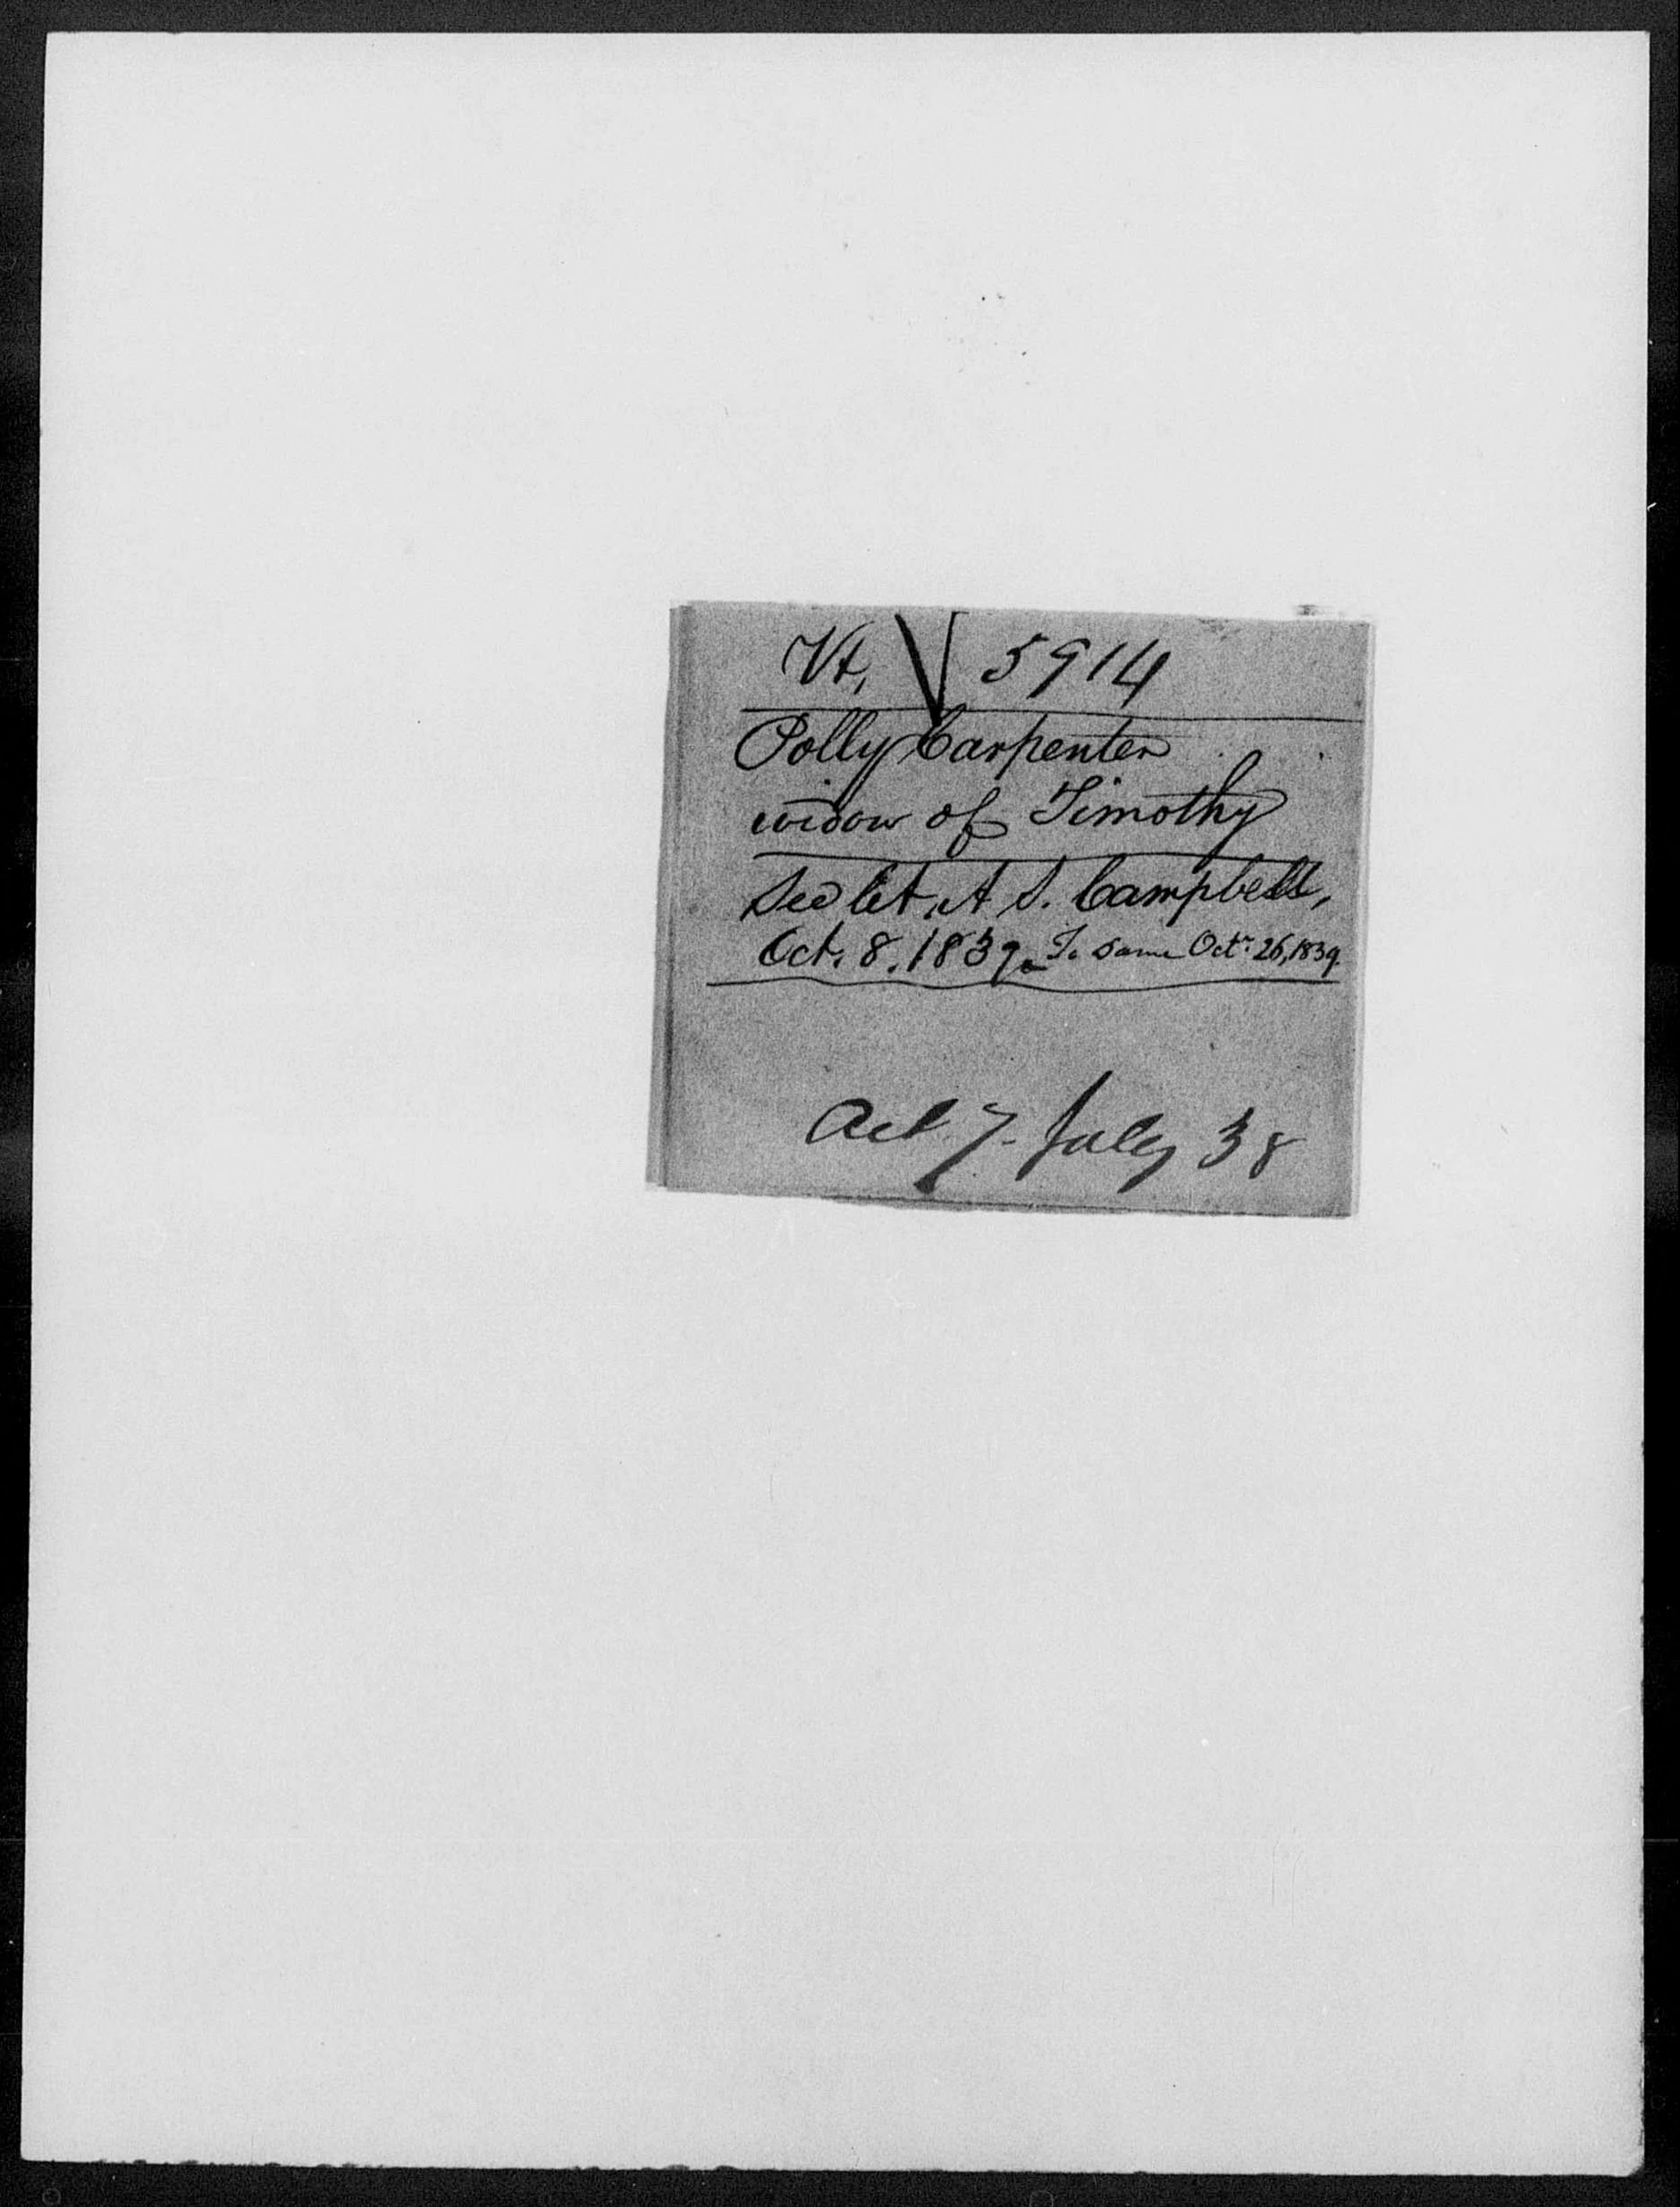Vt. 5914
Polly Carpenter widow of Timothy 
See let A. S. Campbell, Oct. 8, 1839. To same Octr 26, 1839.
Act 7 July 38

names: Timothy, A S Campbell, Polly Carpenter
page: 21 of 41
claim: widow's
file: W. 15627, Timothy Carpenter, Vt.